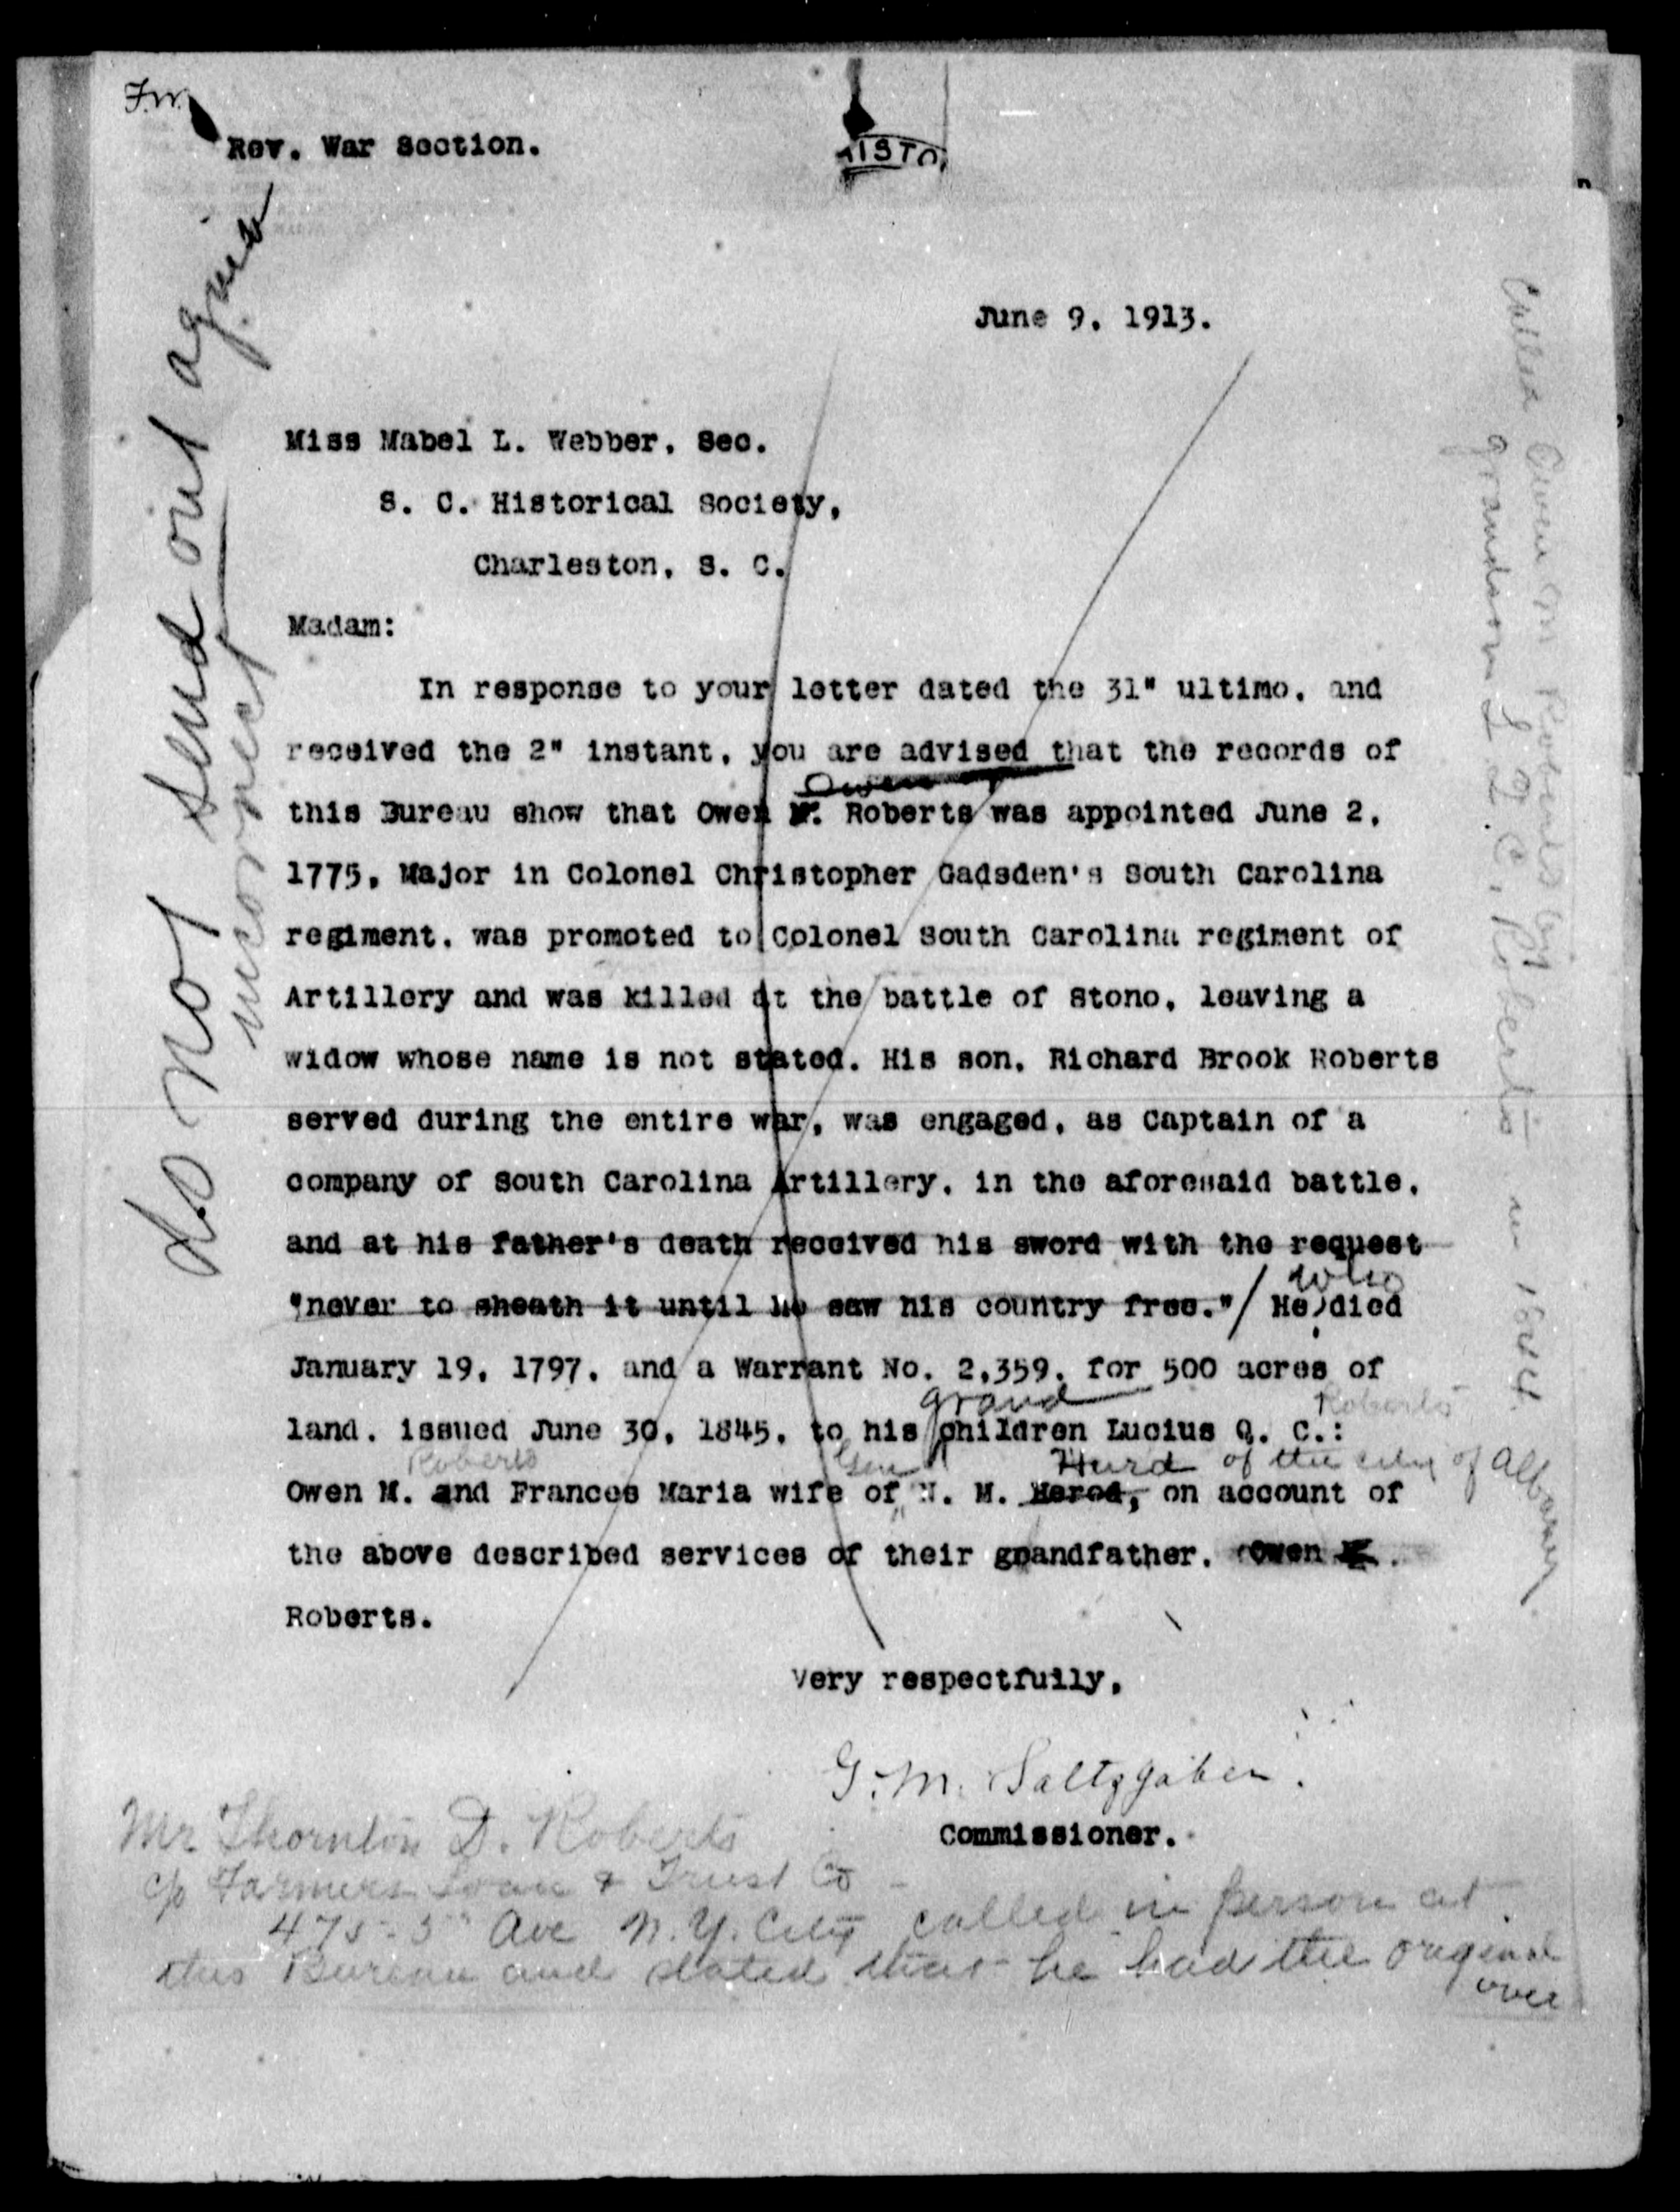F.m.
Rev. War Section

June 9, 1913.
Miss Mabel L. Webber, Sec.
S. C. Historical Society,
Charleston, S. C.
Madam:
In response to your letter dated the 31'' ultimo, and
received the 2" instant, you are advised that the records of
this Bureau show that Owen [?] Roberts was appointed June 2,
1775, Major in Colonel Christopher Gadsden's South Carolina
regiment, was promoted to Colonel South Carolina regiment of
Artillery and was killed at the battle of Stono, leaving a
widow whose name is not stated. His son, Richard Brook Roberts
served during the entire war, was engaged, as Captain of a
company of South Carolina artillery, in the aforesaid battle,
and at his father's death received his sword with the request
never to sheath it until he saw his country free." [previous 21 words struckthrough]/ He [handwritten: who] died January 19, 1797, and a warrant No. 2,359 for 500 acres of land. issued June 30, 1845, to his [handwritten: grand]children Jucius Q. C.: Owen M. [handwritten: Roberts] and Frances Maria wife of [handwritten: illegible] N. M. Herod, [previous word struckthrough] [handwritten: Herd of the City of Albany] on account of the above described services of their grandfather, Owen [?] Roberts.
[entire above section of text marked over with a large, handdrawn X]
Very respectfully, G. M. [Saltzgaber]
Commissioner.
 [handwritten along lefthand margin:] do not send out again [illegible] 
[handwritten along righthand margin] Called Owen M Roberts by grandson L. L. C. Roberts in 1844
Mr Thornton D. Roberts
of Farmers [illegible] & Trust Co
475 5th Ave N Y City called in person at this Bureau and stated that he had the original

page: 53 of 59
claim: bounty land warrant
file: B.L.Wt. 2359-500, for Owen Roberts, South Carolina